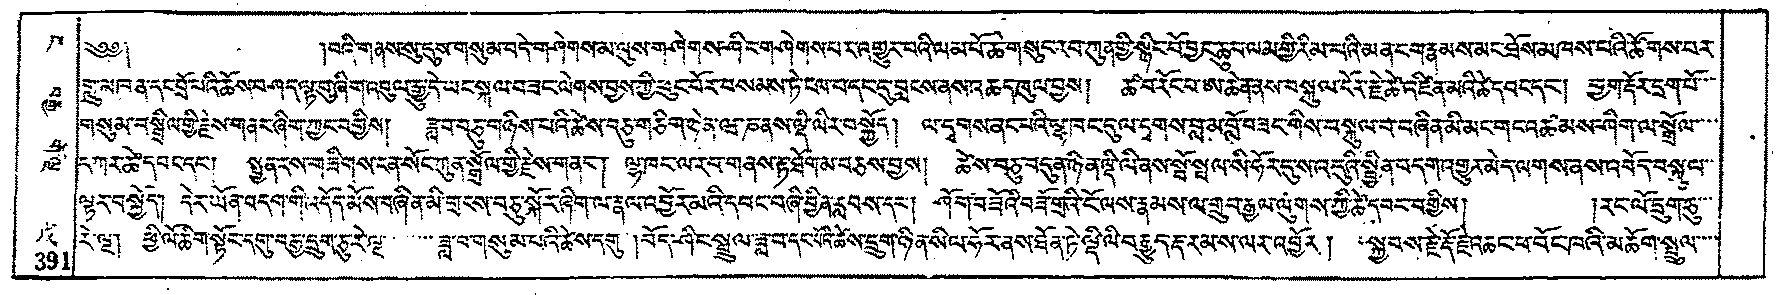༄༅། །བའི་གནས་སུ་དུས་གསུམ་བདེ་གཤེགས་མ་ལུས་གཤེགས་ཤིང་གཤེགས་པར་འགྱུར་བའི་ལམ་པོ་ཆེ་གསུང་རབ་ཀུན་གྱི་སྙིང་པོ་བྱང་ཆུབ་ལམ་གྱི་རིམ་པའི་མན་ངག་རྣམས་མང་ཐོས་མཁས་པའི་ཚོགས་པར་
གླུ་མཁན་དང་བྲོ་པའི་ཆོས་བཤད་ལྟ་བུ་ཞིག་འབུལ་རྒྱུ་དེ་ཡང་སྐལ་བཟང་ལེགས་བྱས་ཀྱི་ཕུང་པོར་བསམས་ཏེ་ངལ་བ་དང་དུ་བླངས་ནས་འཆད་ཁུལ་བྱས། ཚ་བ་རོང་པ་ཨ་ཆེན་ནས་བསྐུལ་ངོར་རྗེ་ཚེ་འཛིན་མའི་ཚེ་དབང་དང་། ཕྱག་རྡོར་དྲག་པོ་
གསུམ་བསྒྲིལ་གྱི་རྗེས་གནང་ཞིག་ཀྱང་བགྱིས། ཟླ་བ་བཅུ་གཉིས་པའི་ཚེས་བཅུ་གཅིག་ཉེན་ཝ་ཎ་ནས་ལྡི་ལིར་བསྐྱོད། ལ་དྭགས་ནང་པའི་ལྷ་ཁང་དུ་ལ་དྭགས་བླ་མ་བློ་བཟང་གིས་བསྐུལ་བ་བཞིན་མི་མང་གང་འཚམས་ཤིག་ལ་སྒྲོལ་
དཀར་ཚེ་དབང་དང་། སྤྱན་རས་གཟིགས་ངན་སོང་ཀུན་སྒྲོལ་གྱི་རྗེས་གནང་། ལྷ་ཁང་ལ་རབ་གནས་རྟ་ཐོག་མ་བཅས་བྱས། ཚེས་བཅུ་བདུན་ཉིན་ལྡི་ལི་ནས་སྦོ་སྤལ་སི་ཧོར་དུ་ས་འདུའི་སྦྱིན་བདག་འགྱུར་མེད་ལགས་ནས་འབོད་བསྐུལ་
ལྟར་བསྐྱོད། དེར་ཡོན་བདག་གི་འདོད་མོས་བཞིན་མི་གྲངས་བཅུ་སྐོར་ཞིག་ལ་རྣལ་འབ྾ཨོར་མའི་དབང་བཞི་བྱིན་རླབས་དང་། ཤོག་བཟོའི་བཟོ་གྲའི་ངོ་ལས་རྣམས་ལ་གྲུབ་རྒྱལ་ལུགས་ཀྱི་ཚེ་དབང་བགྱིས། །རང་ལོ་དྲུག་ཅུ་
རེ་ལྔ། ཕྱི་ལོ་ཆིག་སྟོང་དགུ་བརྒྱ་དྲུག་ཅུ་རེ་ལྔ་ཟླ་བ་གསུམ་པའི་ཚེས་དགུ །བོད་ཤིང་སྤྲུལ་ཟླ་བ་དང་པོའི་ཚེས་དྲུག་ཉིན་སིལ་ཧོར་ནས་ཐོན་ཏེ་ལྡི་ལི་བརྒྱུད་རྡ་རམ་ས་ལར་འབྱོར། ༧སྐྱབས་རྗེ་རྡོ་རྗེ་འཆང་ཕ་བོང་ཁའི་མཆོག་སྤྲུལ་